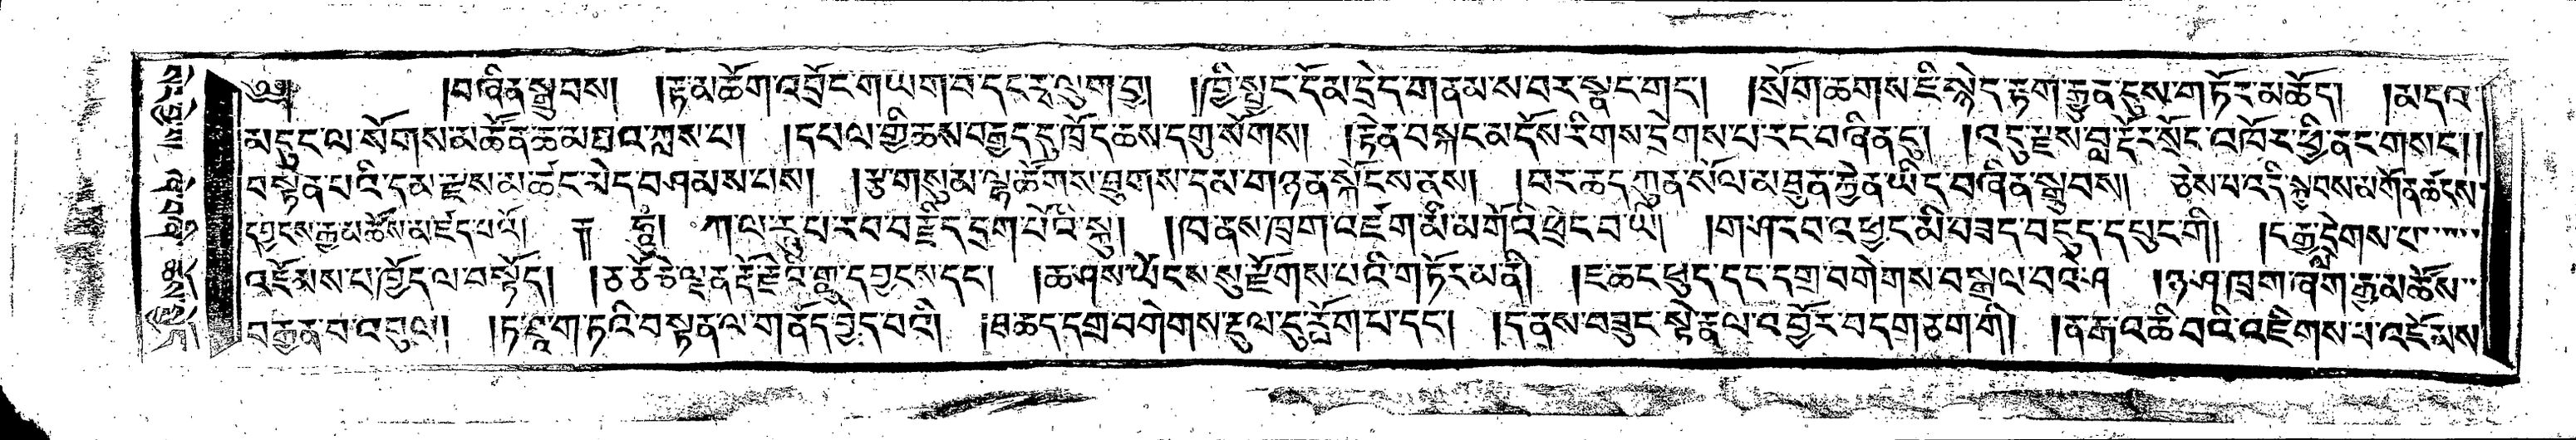༄༅། །བཞིན་སྒྲུབས། །རྟ་མཆོག་འབྲོང་གཡག་བ་དང་རྭ་ལུག་བྱ། །ཁྱི་སྤྱང་དོམ་དྲེད་གནམ་ས་བར་སྣང་གང་། །སྲོག་ཆགས་ཇི་སྙེད་རྟག་རྒྱུན་དུས་གཏོར་མཆོད། །མདའ་
མདུང་ལ་སོགས་མཚོན་ཆ་མཐའ་ཀླས་པ། །དཔལ་གྱི་ཆས་བརྒྱད་དུ་ཁྲོད་ཆས་དགུ་སོགས། །རྟེན་བསྐང་མདོས་རིགས་དྲེགས་པར་རང་བཞིན་དུ། །འདུ་རྫས་བླ་རྡོར་སྲོང་འཁོར་ཕྱི་ནང་གསང་། །
བསྟེན་པའི་དམ་རྫས་མ་ཚང་མེད་བཤམས་པས། །རྩ་གསུམ་ལྷ་ཚོགས་ཐུགས་དམ་གཉན་སྐོངས་ནས། །བར་ཆད་ཀུན་སོལ་མཐུན་རྐྱེན་ཡིད་བཞིན་སྒྲུབས། །ཅེས་པ་འདི་སྐྱབས་མགོན་ཚངས་
དབྱངས་རྒྱ་མཚོས་མཛད་པའོ། ༈ ཧཱུཾ། ཀ་ལ་རཱུ་པ་རབ་བརྗིད་དྲག་པོའི་སྐུ། །ཁ་ནས་ཁྲག་འཛག་མི་མགོའི་ཕྲེང་བ་ཡི། །ག་ཤ་རབ་འཕྱང་མི་བཟད་བདུད་དཔུང་གི། །ང་རྒྱལ་དེགས་པ་
འཇོམས་པ་ཁྱོད་ལ་བསྟོད། །ཅ་ཅོ་ཆེ་ལྡན་རྡོ་རྗེའི་གླུ་དབྱངས་དང་། །ཆ་ཤས་ཡོངས་སུ་རྫོགས་པའི་གཏོར་མ་ནི། །ཇ་ཆང་ཕུད་དང་དགྲ་བགེགས་བསྒྲལ་བའི་ཤ་།ཉ་ཤ་ཁྲག་ཞག་རྒྱ་མཚོས་
བརྒྱན་བ་འབུལ། །ཏ་ཐཱ་ག་ཏའི་བསྟན་ལ་གནོད་བྱེད་པའི། །ཐ་ཆད་དགྲ་བགེགས་རྡུལ་དུ་རློག་པ་དང་། །ད་ནས་བཟུང་སྟེ་རྣལ་འབྱོར་བདག་ཅག་གི། །ན་རྒ་འཆི་བའི་འཇིགས་པ་འཇོམས་